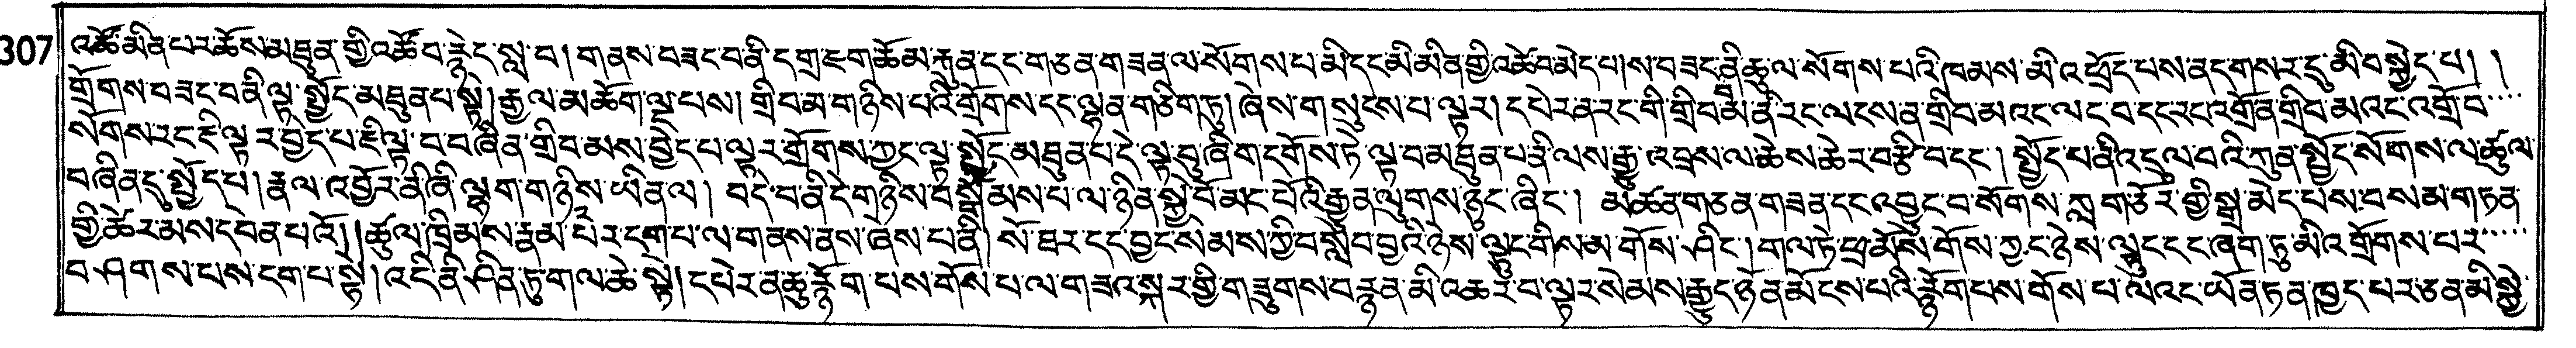འཚོ་མིན་པར་ཆོས་མཐུན་གྱི་འཚོ་བ་རྙེད་སླ་བ། གནས་བཟང་བ་ནི་དགྲ་ཇག་ཆོམ་རྐུན་དང་གཅན་གཟན་ལ་སོགས་པ་མི་དང་མི་མིན་གྱི་འཚེ་བ་མེད་པ། ས་བཟང་བ་ནི་ཆུ་ལ་སོགས་པའི་ཁམས་མི་འཕྲོད་པས་ནད་གསར་དུ་མི་བསྐྱེད་པ། །
གྲོགས་བཟང་བ་ནི་ལྟ་སྤྱོད་མཐུན་པ་སྟེ། རྒྱལ་མཆོག་ལྔ་པས། གྲིབ་མ་གཉིས་པའི་གྲོགས་དང་ལྷན་གཅིག་ཏུ། ཞེས་གསུངས་པ་ལྟར། དཔེན་ན་རང་གི་གྲིབ་མ་ནི་རང་ལངས་ན་གྲིབ་མའང་ལང་བ་དང་རང་འགྲོ་ན་གྲིབ་མའང་འགྲོ་བ་
སོགས་རང་ཇི་ལྟར་བྱེད་པ་ཇི་ལྟ་བ་བཞིན་གྲིབ་མས་བྱེད་པ་ལྟར་གྲོགས་ཀྱང་ལྟ་སྤྱོད་མཐུན་པ་དེ་ལྟ་བུ་ཞིག་དགོས་ཏེ་ལྟ་བ་མཐུན་པ་ནི་ལས་རྒྱུ་འབྲས་ལ་ཆེས་ཆེར་བརྩི་བ་དང་། སྤྱོད་པ་ནི་འདུལ་བའི་ཀུན་སྤྱོད་སོགས་ལ་ཚུལ་
བཞིན་དུ་སྤྱོད་པ། རྣལ་འབྱོར་ནི་ཞི་ལྷག་གཉིས་ཡིན་ལ། བདེ་བ་ནི་དེ་གཉིས་བསྒོམས་པ་ལ་ཉིན་སྐྱེ་བོ་མང་པོའི་རྒྱུན་ལུགས་ཉུང་ཞིང་། མཚན་གཅན་གཟན་དང་འབྱུང་བ་སོགས་ཀླག་ཅོར་གྱི་སྒྲ་མེད་པས་བསམ་གཏན་
གྱི་ཚེར་མས་དབེན་པའོ། །ཚུལ་ཁྲིམས་རྣམ་པར་དག་པ་ལ་གནས་ནས་ཞེས་པ་ནི། སོ་ཐར་དང་བྱང་སེམས་ཀྱི་བསླབ་བྱའི་ཉེས་ལྟུང་གིས་མ་གོས་ཤིང་། གལ་ཏེ་ཕྲ་མོས་གོས་ཀྱང་ཉེས་ལྟུང་དང་ཞག་ཏུ་མི་འགྲོགས་པར་
བཤགས་པས་དག་པ་སྟེ། འདི་ནི་ཤིན་ཏུ་གལ་ཆེ་སྟེ། དཔེར་ན་ཆུ་རྙོག་པས་གོས་པ་ལ་གཟའ་སྐར་གྱི་གཟུགས་བརྙན་མི་འཆར་བ་ལྟར་སེམས་རྒྱུད་ཉོན་མོངས་པའི་རྙོག་པས་གོས་པ་ལའང་ཡོན་ཏན་ཁྱད་པར་ཅན་མི་སྐྱེ་